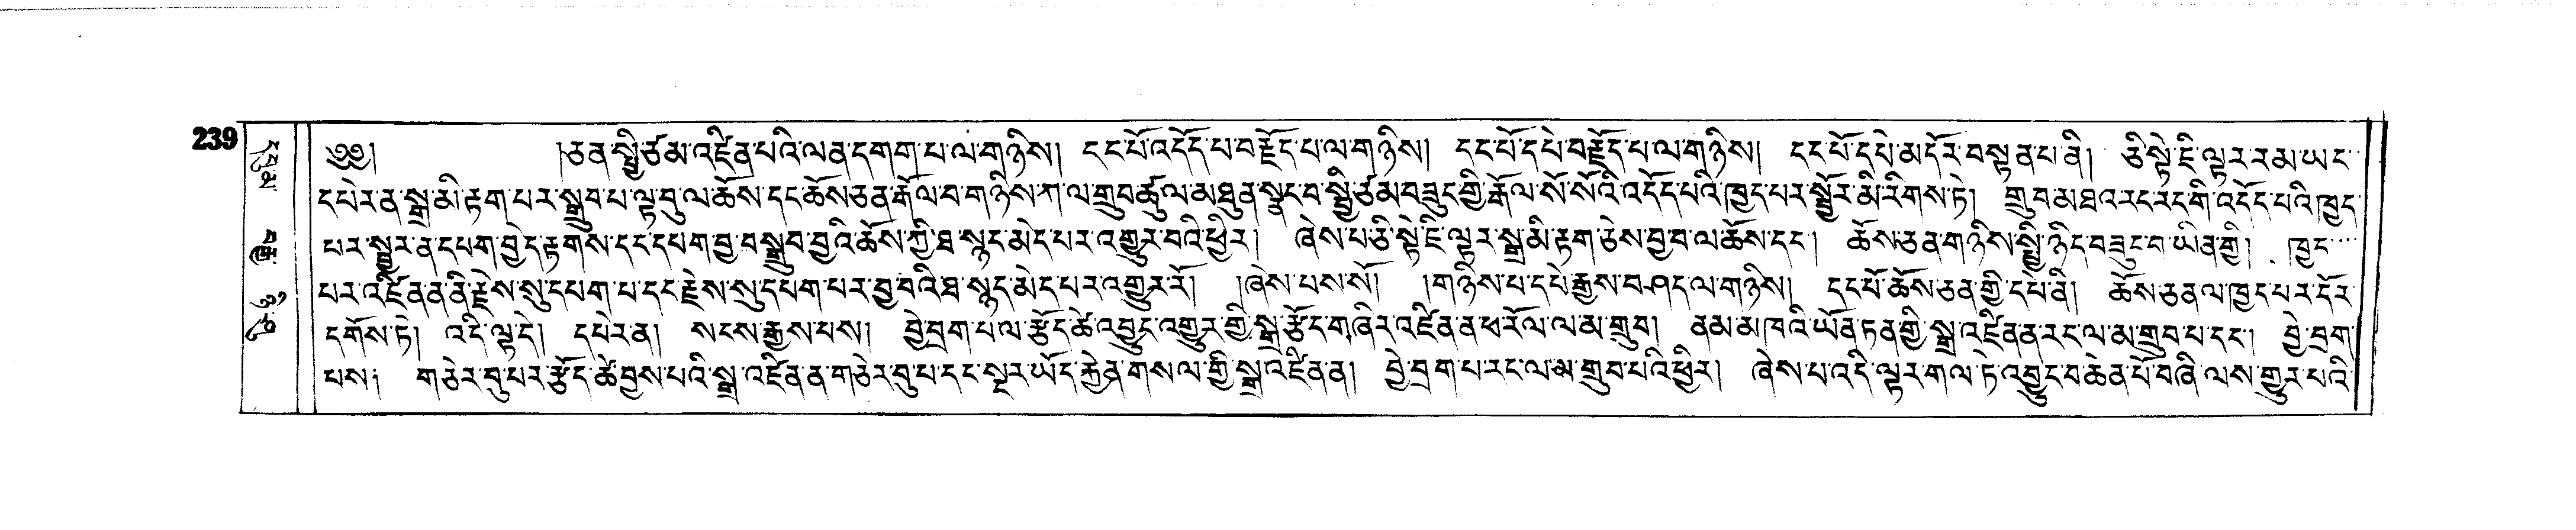༄༅། །ཅན་སྤྱི་ཙམ་འཛིན་པའི་ལན་དགག་པ་ལ་གཉིས། དང་པོ་འདོད་པ་བརྗོད་པ་ལ་གཉིས། དང་པོ་དཔེ་བརྗོད་པ་ལ་གཉིས། དང་པོ་དཔེ་མདོར་བསྟན་པ་ནི། ཅི་སྟེ་ཇི་ལྟར་རམ་ཡང་
དཔེར་ན་སྒྲ་མི་རྟག་པར་སྒྲུབ་པ་ལྟ་བུ་ལ་ཆོས་དང་ཆོས་ཅན་རྒོལ་བ་གཉིས་ཀ་ལ་གྲུབ་ཚུལ་མཐུན་སྣང་བ་སྤྱི་ཙམ་བཟུང་གྱི་རྒོལ་སོ་སོའི་འདོད་པའི་ཁྱད་པར་སྦྱོར་མི་རིགས་ཏེ། གྲུབ་མཐའ་རང་རང་གི་འདོད་པའི་ཁྱད་
པར་སྦྱར་ན་དཔག་བྱེད་རྟགས་དང་དཔག་བྱ་བསྒྲུབ་བྱའི་ཆོས་ཀྱི་ཐ་སྙད་མེད་པར་འགྱུར་བའི་ཕྱིར། ཞེས་པ་ཅི་སྟེ་ཇི་ལྟར་སྒྲ་མི་རྟག་ཅེས་བྱ་བ་ལ་ཆོས་དང་། ཆོས་ཅན་གཉིས་སྤྱི་ཉིད་བཟུང་བ་ཡིན་གྱི། ཁྱད་
པར་འཛིན་ན་ནི་རྗེས་སུ་དཔག་པ་དང་རྗེས་སུ་དཔག་པར་བྱ་བའི་ཐ་སྙད་མེད་པར་འགྱུར་རོ། །ཞེས་པས་སོ། །གཉིས་པ་དཔེ་རྒྱས་བཤད་ལ་གཉིས། དང་པོ་ཆོས་ཅན་གྱི་དཔེ་ནི། ཆོས་ཅན་ལ་ཁྱད་པར་དོར་
དགོས་ཏེ། འདི་ལྟ་དེ། དཔེར་ན། སངས་རྒྱས་པས། བྱེ་བྲག་པ་ལ་རྩོད་ཚེ་འབྱུང་འགྱུར་གྱི་སྒྲ་རྩོད་གཞིར་འཛིན་ན་ཕ་རོལ་ལ་མ་གྲུབ། ནམ་མཁའི་ཡོན་ཏན་གྱི་སྒྲ་འཛིན་ན་རང་ལ་མ་གྲུབ་པ་དང་། བྱེ་བྲག་
པས། གཅེར་བུ་པར་རྩོད་ཚེ་བྱས་པའི་སྒྲ་འཛིན་ན་གཅེར་བུ་པ་དང་སྔར་ཡོད་རྐྱེན་གསལ་གྱི་སྒྲ་འཛིན་ན། བྱེ་བྲག་པ་རང་ལ་མ་གྲུབ་པའི་ཕྱིར། ཞེས་པ་འདི་ལྟར་གལ་ཏེ་འབྱུང་བ་ཆེན་པོ་བཞི་ལས་གྱུར་པའི་